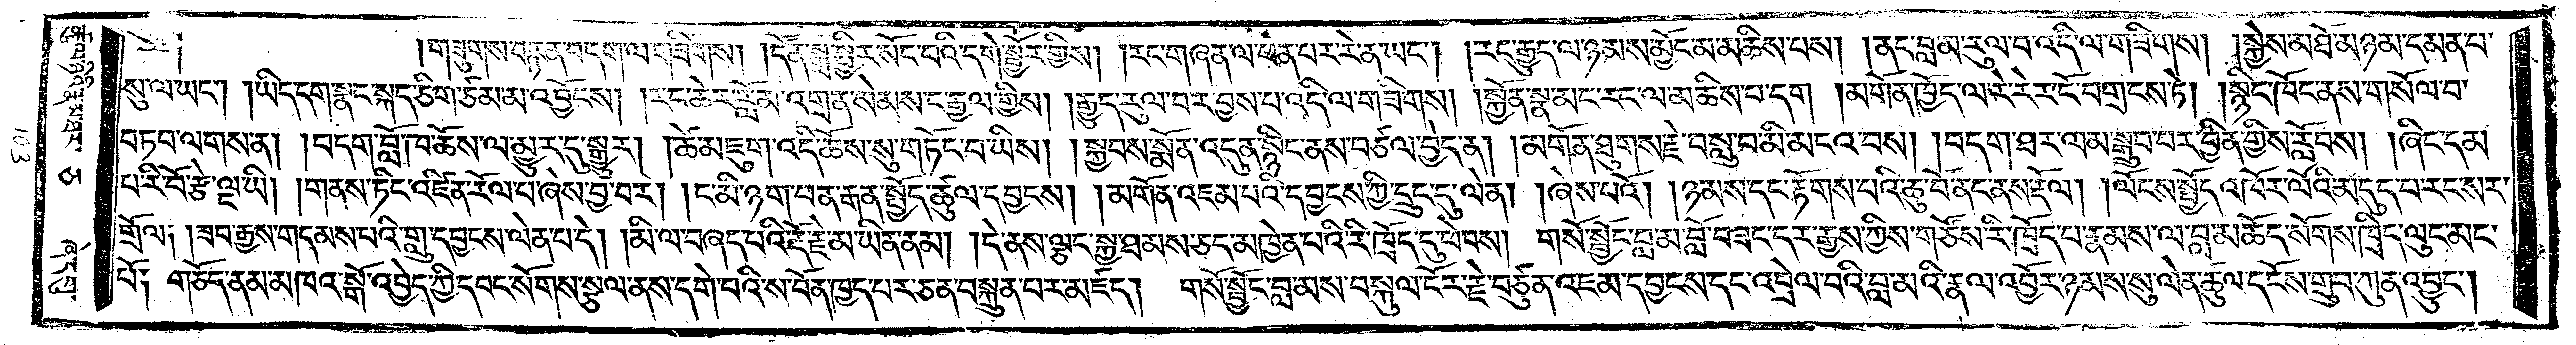༄༅། །གཟུགས་བརྙན་བདག་ལ་གཟིགས། །དོན་སྒྲ་སྤྱིར་སོང་བའི་དགེ་སྦྱོར་གྱིས། །རང་གཞན་ལ་ཕན་བར་རེ་ན་ཡང་། །རང་རྒྱུད་ལ་ཉམས་མྱོང་མ་མཆིས་བས། །ནང་བླ་མ་རུལ་བ་འདི་ལ་གཟིགས། །སྐྱེས་མཐོ་མཉམ་དམན་བ་
སུ་ལ་ཡང་། །ཡིད་དག་སྣང་སྐད་ཅིག་ཙམ་མ་འབྱོངས། །རང་ཆེར་རློམ་འགྲན་སེམས་ང་རྒྱལ་གྱིས། །རྒྱུད་རུལ་བར་བྱས་པ་འདི་ལ་གཟིགས། །སྐྱོན་སྣ་མང་རང་ལ་མཆིས་བ་དག །མགོན་ཁྱོད་ལ་རེ་རེར་ངོ་པ་གྲངས་ཏེ། །སྙིང་ཁོང་ནས་གསོལ་བ་
བཏབ་ལགས་ན། །བདག་བློ་ཁ་ཆོས་ལ་མྱུར་དུ་སྒྱུར། །ཚེ་མཇུག་འདི་ཆོས་སུ་གཏོང་བ་ཡིས། །སྐྱབས་སྨོན་འདུན་སྙིང་ནས་བཙལ་བྱེད་ན། །མགོན་ཐུགས་རྗེ་བསླུ་བ་མི་མངའ་བས། །བདག་ཐར་ལམ་སྒྲུབ་བར་བྱིན་གྱིས་རློབས། །ཞིང་དམ་
པ་རི་བོ་རྩེ་ལྔ་ཡི། །གནས་ཏིང་འཛིན་རོལ་པ་ཞེས་བྱ་བར། །ང་མི་ཉག་བན་རྒན་སྤྱོད་ཚུལ་དབྱངས། །མགོན་འཇམ་པའི་དབྱངས་ཀྱི་དྲུང་དུ་ལེན། །ཞེས་པའོ། །ཉམས་དང་རྟོགས་བའི་ཆུ་བོ་ནང་ནས་རྡོལ། །ལོངས་སྤྱོད་འཁོར་ལོའི་མདུད་བ་རང་སར་
གྲོལ༑ །ཟབ་རྒྱས་གདམས་པའི་གླུ་དབྱངས་ལེན་པ་དེ། །མི་ལ་བཞད་བའི་རྡོ་རྗེ་མ་ཡིན་ནམ། །དེ་ནས་ལྕང་སྐྱ་ཐམས་ཅད་མཁྱེན་པའི་རི་ཁྲོད་དུ་ཕེབས། གསོ་སྦྱོང་བླ་མ་བློ་བཟང་དར་རྒྱས་ཀྱིས་གཙོས་རི་ཁྲོད་བ་རྣམས་ལ་བླ་མཆོད་སོགས་ཁྲིད་ལུང་མང་
པོ༑ གཅོད་ནམ་མཁའ་སྒོ་འབྱེད་ཀྱི་དབང་སོགས་སྩལ་ནས་དགེ་བའི་ས་བོན་ཁྱད་པར་ཅན་བསྐྲུན་བར་མཛད། གསོ་སྦྱོང་བླ་མས་བསྐུལ་ངོར་རྗེ་བཙུན་འཇམ་དབྱངས་དང་འབྲེལ་བའི་བླ་མའི་རྣལ་འབྱོར་ཉམས་སུ་ལེན་ཚུལ་དངོས་གྲུབ་ཀུན་འབྱུང་།